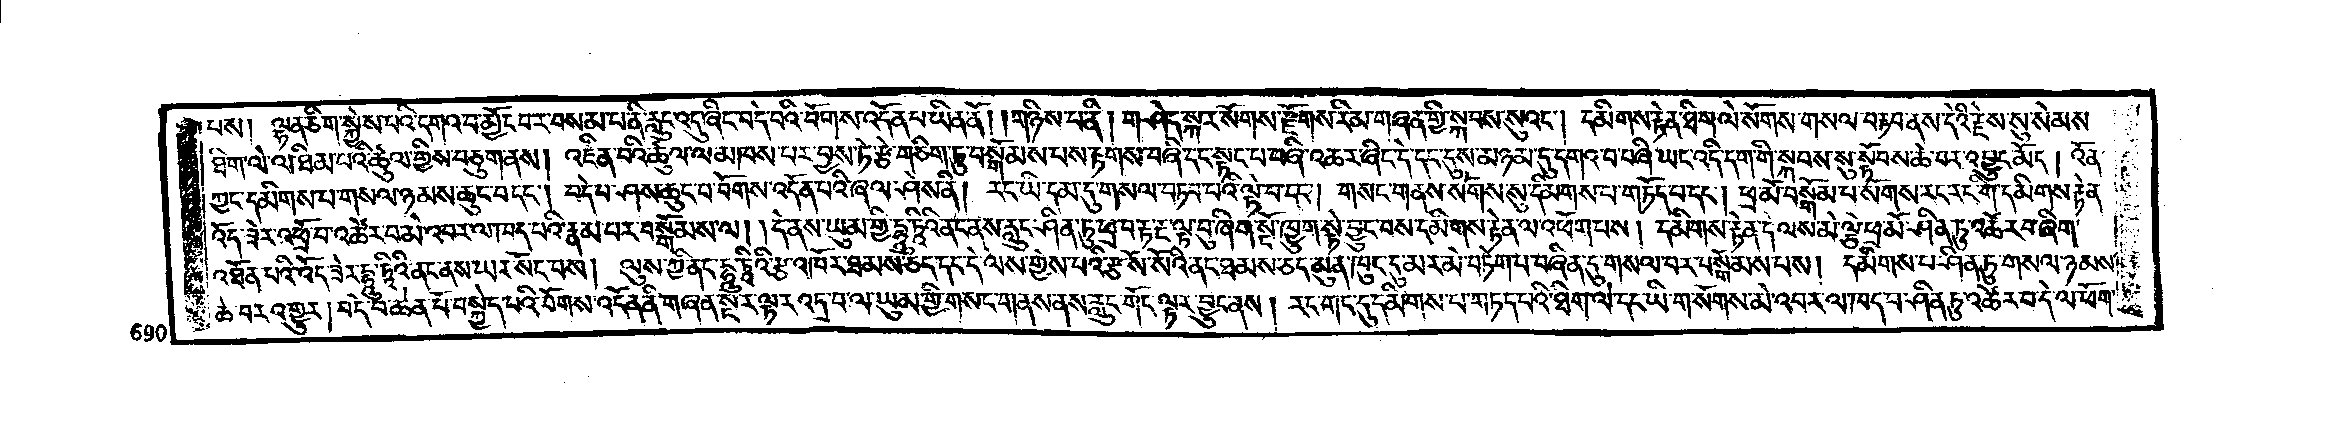པས། ལྷན་ཅིག་སྐྱེས་པའི་དགའ་བ་མྱོང་བར་བསམ་པ་ནི་རླུང་འདུ་ཞིང་བདེ་བའི་བོགས་འདོན་པ་ཡིན་ནོ། །གཉིས་པ་ནི། གཤེད་སྐར་སོགས་རྫོགས་རིམ་གཞན་གྱི་སྐབས་སུའང་། དམིགས་རྟེན་ཐིག་ལེ་སོགས་གསལ་བཏབ་ནས་དེའི་རྗེས་སུ་སེམས་
ཐིག་ལེ་ལ་ཐིམ་པའི་ཚུལ་གྱིས་བཅུག་ནས། འཛིན་པའི་ཚུལ་ལ་མཁས་པར་བྱས་ཏེ་རྩེ་གཅིག་ཏུ་བསྒོམས་པས་རྟགས་བཞི་དང་སྟང་པ་བཞི་འཆར་ཞིང་དེ་དང་དུས་མཉམ་དུ་དགའ་བ་བཞི་ཡང་འདི་དག་གི་སྐབས་སུ་སྟོབས་ཆེ་བར་འབྱུང་མོད། འོན་
ཀྱང་དམིགས་པ་གསལ་ཉམས་ཆུང་བ་དང་། བདེ་བ་ཤས་ཆུང་བ་བོགས་འདོན་པའི་ཞལ་ཤེས་ནི། རང་ཡི་དམ་དུ་གསལ་བཏབ་པའི་ལྟེ་བ་དང་། གསང་གནས་སོགས་སུ་དམིགས་པ་གཏོད་པ་དང་། ཕྲ་མོ་བསྒོམ་པ་སོགས་རང་རང་གི་དམིགས་རྟེན་
འོད་ཟེར་འཕྲོ་བ་འཚེར་བ་མེ་འབར་ལ་ཁད་?་པའི་རྣམ་པར་བསྒོམས་ལ། །དེ་ནས་ཡུམ་གྱི་དྷཱུ་ཏཱིའི་ནང་ནས་རླུང་ཤིན་ཏུ་ཕྲ་བ་རྟ་རྔ་ལྟ་བུ་ཞིག་སྔོ་ཁྱུག་སྟེ་བྱུང་བས་དམིགས་རྟེན་ལ་འཕོག་པས། དམིགས་རྟེན་དེ་ལས་མེ་ལྕེ་ཕྲ་མོ་ཤིན་ཏུ་འཚེར་བ་ཞིག་
འཐོན་པའི་འོད་ཟེར་དྷཱུ་ཏཱིའི་ནང་ནས་ཡར་སོང་བས། ལུས་ཀྱི་ནང་དྷཱུ་ཏཱིའི་རྩ་འཁོར་ཐམས་ཅད་དང་དེ་ལས་གྱེས་པའི་རྩ་སོ་སོའི་ནང་ཐམས་ཅད་མུན་ཁུང་དུ་མར་མེ་བཏེག་པ་བཞིན་དུ་གསལ་བར་བསྒོམས་པས། དམིགས་པ་ཤིན་ཏུ་གསལ་ཉམས་
ཆེ་བར་འགྱུར། བདེ་བ་ཆེན་པོ་བསྐྱེད་པའི་བོགས་?་འདོན་ནི་གཞན་སྔར་ལྟར་འདྲ་བ་ལ་ཡུམ་གྱི་གསང་གནས་ནས་རླུང་གོང་ལྟར་བྱུང་ནས། རང་གང་དུ་དམིགས་པ་གཏད་པའི་ཐིག་ལེ་དང་ཡི་ག་སོགས་མེ་འབར་ལ་ཁད་པ་ཤིན་ཏུ་འཚེར་བ་དེ་ལ་ཕོབ་?